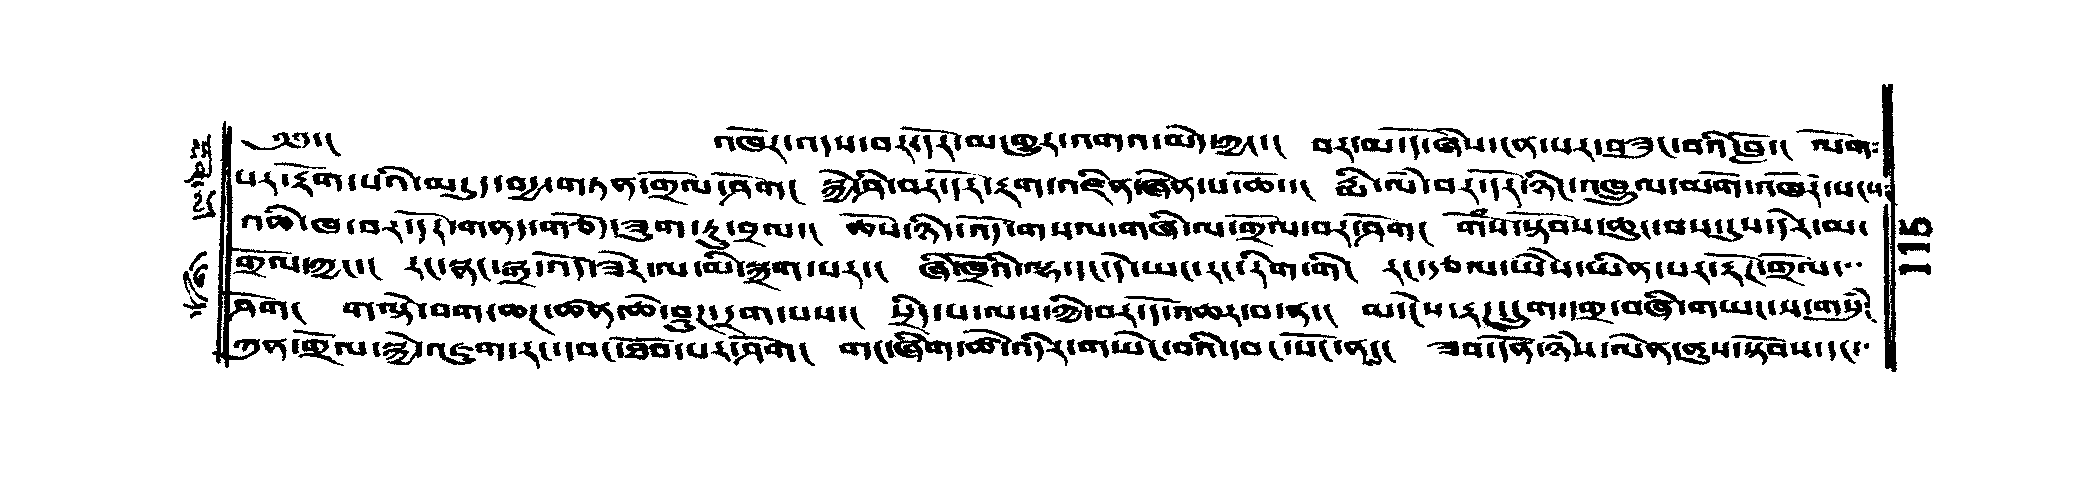།འཁོར་འདས་བར་དོར་མ་གྱུར་འགའ་མེད་ཀྱང་། །བར་མ་དོ་ཞེས་ངན་པར་བཟུང་བའི་བློ། །ལོག་
པར་རྟོག་པའི་མདུད་བརྒྱ་གཏན་གྲོལ་ཤོག །སྐྱེ་ཤི་བར་དོར་རྟག་འཛིན་ཞེན་པ་ཆོད། །རྨི་ལམ་བར་དོར་ཉིང་འཁྲུལ་མགོ་འཁོར་སངས། །
འཆི་ཁ་བར་དོར་གནད་གཅོད་ཟུག་རྔུ་བྲལ། །ཆོས་ཉིད་འོད་གསལ་གཞི་ལ་གྲོལ་བར་ཤོག །གོམས་སྟོབས་ཆུང་བས་དུས་དེར་མ་
གྲོལ་ཀྱང་། །རང་སྣང་སྒྲ་འོད་ཟེར་ལ་མི་སྐྲག་པར། །ཞི་ཁྲོའི་ལྷ་དང་དེ་ཡང་རང་རིག་གི །རང་རྩལ་ཡེ་ཤེས་ཡིན་པར་རྟོགས་གྲོལ་
ཤོག །གལ་ཏེ་བག་ཆགས་ཚན་ཆེ་ཤུགས་དྲག་པས། །སྲིད་པ་ལས་ཀྱི་བར་དོ་འཆར་བ་ན། །མ་ངེས་རྟགས་དྲུག་སྒྲ་བཞི་གཡང་ས་གསུམ། །
ཀུན་གྲོལ་སྐྱེ་འཇུག་རང་དབང་ཐོབ་པར་ཤོག །གང་ཞིག་ཚེ་འདིར་གཡེང་བའི་དབང་སོང་ནས། །ཟབ་དོན་ཉམས་ལེན་ནུས་སྟོབས་དང་